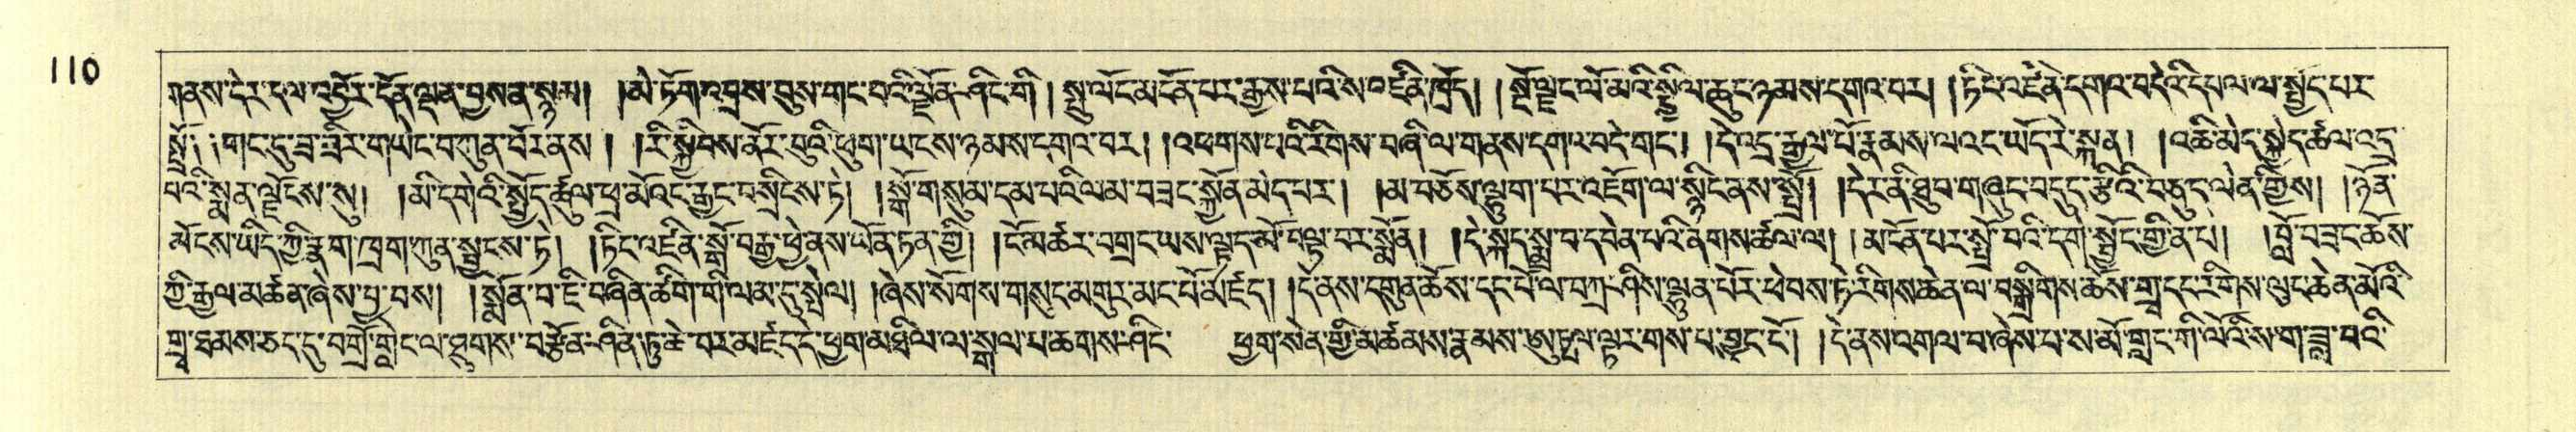གནས་དེར་དལ་འབྱོར་དོན་ལྡན་བྱས་ན་སྙམ། །མེ་ཏོག་འབྲས་བུས་གང་བའི་ལྗོན་ཤིང་གི །སྤུ་ལོང་མངོན་པར་རྒྱས་པའི་ས་འཛིན་ཁྲོད། །སྔོ་ལྗང་ལོ་མའི་སྤྱིལ་ཆུང་ཉམས་དགའ་བར། །ཏིང་འཛིན་དགའ་བདེའི་དཔལ་ལ་སྤྱོད་པར་
སྤྲོ༑ ༑གང་དུ་ཟ་ཟིར་གཡེང་བ་ཀུན་བོར་ནས། །རི་སྐྱིབས་ནོར་བུའི་ཕུག་ཡངས་ཉམས་དགའ་བར། །འཕགས་པའི་རིགས་བཞི་ལ་གནས་དགའ་བདེ་གང་། །དེ་འདྲ་རྒྱལ་པོ་རྣམས་ལའང་ཡོད་རེ་སྐན། །འཆི་མེད་སྐྱེད་ཚལ་འདྲ་
པའི་སྨན་ལྗོངས་སུ། །མི་དགེའི་སྤྱོད་ཚུལ་ཕྲ་མོའང་རྒྱང་བསྲིངས་ཏེ། །སྒོ་གསུམ་དམ་པའི་ལམ་བཟང་སྐྱོན་མེད་པར། །མ་བཅོས་ལྷུག་པར་འཇོག་ལ་སྙིང་ནས་སྤྲོ། །དེར་ནི་ཐུབ་གཞུང་བདུད་རྩིའི་བཅུད་ལེན་གྱིས། །ཉོན་
མོངས་ཡིད་ཀྱི་རྣག་ཁྲག་ཀུན་སྦྱངས་ཏེ། །ཏིང་འཛིན་སྒོ་བརྒྱད་ཕྱེ་ནས་ཡོན་ཏན་གྱི། །ངོ་མཚར་བགྲང་ཡས་ལྟད་མོ་བལྟ་བར་སྨོན། །དེ་སྐད་སྨྲ་བ་དབེན་པའི་ནགས་ཚལ་ལ། །མངོན་པར་སྤྲོ་བའི་དགེ་སྦྱོང་གྱི་ན་པ། །བློ་བཟང་ཆོས་
ཀྱི་རྒྱལ་མཚན་ཞེས་བྱ་བས། །སྨོན་པ་ཇི་བཞིན་ཚིག་གི་ལམ་དུ་སྤེལ། །ཞེས་སོགས་གསུང་མགུར་མང་པོ་མཛད། །དེ་ནས་དགུན་ཆོས་དང་པོ་ལ་བཀྲ་ཤིས་ལྷུན་པོར་ཕེབས་ཏེ་རིགས་ཆེན་ལ་བསྒྲིགས་ཆོས་གྲྭ་དང་རིགས་ལུང་ཆེན་མོའི་
གྲྭ་ཐམས་ཅད་དུ་བགྲོ་གླེང་ལ་ཐུགས་བརྩོན་ཤིན་ཏུ་ཆེ་བར་མཛད་དེ་ཕྱག་མཐིལ་ལ་སྒལ་པ་ཆགས་ཤིང་། ཕྱག་སེན་གྱི་མཚམས་རྣམས་ཨུཏྤལ་ལྟར་གས་པ་བྱུང་ངོ། །དེ་ནས་འགལ་བ་ཞེས་པ་ས་མོ་གླང་གི་ལོའི་ས་ག་ཟླ་བའི་